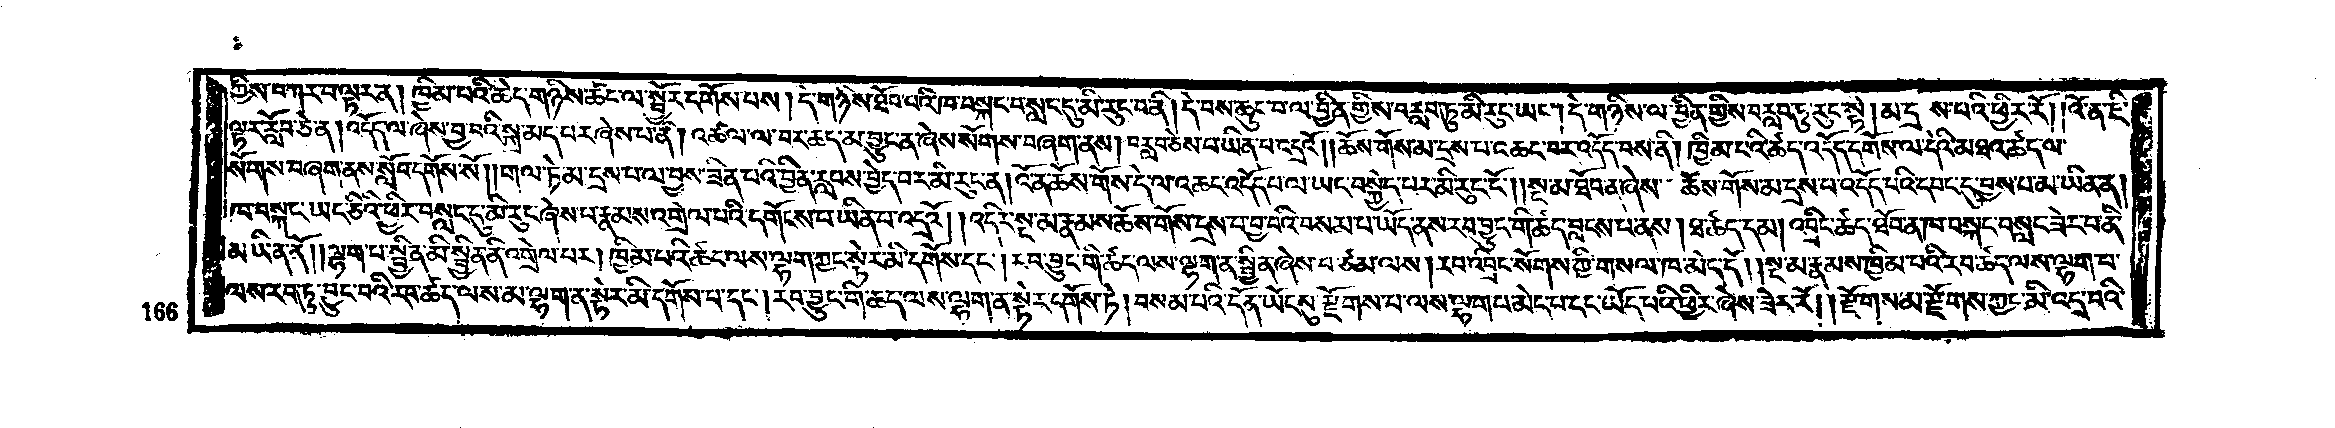ཀྱིས་བཀར་བ་ལྟར་ན། ཁྱིམ་པའི་ཚད་གཉིས་ཚད་ལ་སྦྱོར་དགོས་པས། དེ་གཉིས་ཐོབ་པའི་ཁ་བསྐང་བ་སླང་དུ་མི་རུང་བ་ནི། དེ་བས་ཆུང་བ་ལ་བྱིན་གྱིས་བརླབ་ཏུ་མི་རུང་ཡང་། དེ་གཉིས་ལ་བྱིན་གྱིས་བརླབ་ཏུ་རུང་སྟེ། མ་དྲ་ས་པའི་ཕྱིར་རོ། །འོ་ན་ཇི་
ལྟར་རློབ་ཅེ་ན། འདོད་ལ་ཞེས་བྱ་བའི་སྐྲ་མད་པར་ཞེས་པ་ནི། འཚལ་ལ་བར་ཆད་མ་བྱུང་ན་ཞེས་སོགས་བཞག་ནས། བརླབ་ཅེས་པ་ཡིན་པ་འདྲའོ། །ཆོས་གོས་མ་དྲས་པ་འཆང་བར་འདོད་པས་ནི། ཁྱིམ་པའི་ཚད་འདོད་དགོས་ལ་དེའི་མཐའ་ཚད་ལ་
སོགས་བཞག་ནས་སློབ་དགོས་སོ། །གལ་ཏེ་མ་དྲས་པ་ལ་བྱས་ཟིན་པའི་བྱིན་རླབས་བྱེད་པར་མི་རུང་ན། འོ་ན་ཆོས་གོས་དེ་ལ་འཆང་འདོད་པ་ལ་ཡང་བསྐྱེད་པར་མི་རུང་ངོ། །སྔ་མ་ཐོབ་ན་ཞེས་ཆོས་གོས་མ་དྲས་པ་འདོད་པའི་དབང་དུ་བྱས་པ་མ་ཡིན་ན།
ཁ་བསྐང་ཡང་ཅིའི་ཕྱིར་བསླང་དུ་མི་རུང་ཞེས་པ་རྣམས་འགྲེལ་པའི་དགོངས་པ་ཡིན་པ་འདྲའོ། །འདིར་སྔ་མ་རྣམས་ཆོས་གོས་དྲས་པ་བྱ་བའི་བསམ་པ་ཡོད་ནས་རབ་བྱུང་གི་ཚད་བླངས་པ་ནས། ཐ་ཚད་དམ། འབྲིང་ཚད་ཐོབ་ན་ཁ་བསྐང་བསླང་ཟེར་བ་ནི་
མ་ཡིན་ནོ། །ལྷག་པ་སྦྱིན་མི་སྦྱིན་ནི་འགྲེལ་པར། ཁྱིམ་པའི་ཚད་ལས་ལྷག་ཀྱང་སྟེར་མི་དགོས་དང་། རབ་བྱུང་གི་ཚད་ལས་ལྷག་ན་སྦྱིན་ཞེས་པ་ཙམ་ལས། རབ་འབྲིང་སོགས་ཀྱི་གསལ་ཁ་མེད་དོ། །སྔ་མ་རྣམས་ཁྱིམ་པའི་རབ་ཚད་ལས་ལྷག་པ་
ལས་རབ་ཏུ་བྱུང་བའི་རབ་ཚད་ལས་མ་ལྷག་ན་སྟེར་མི་དགོས་པ་དང་། རབ་བྱུང་གི་ཆད་ལས་ལྷག་ན་སྟེར་དགོས་ཏེ། བསམ་པའི་དོན་ཡོངས་སུ་རྫོགས་པ་ལས་ལྷག་པ་མེད་པ་དང་ཡོད་པའི་ཕྱིར་ཞེས་ཟེར་རོ། །རྫོགས་མ་རྫོགས་ཀྱང་མི་འདྲ་བའི་